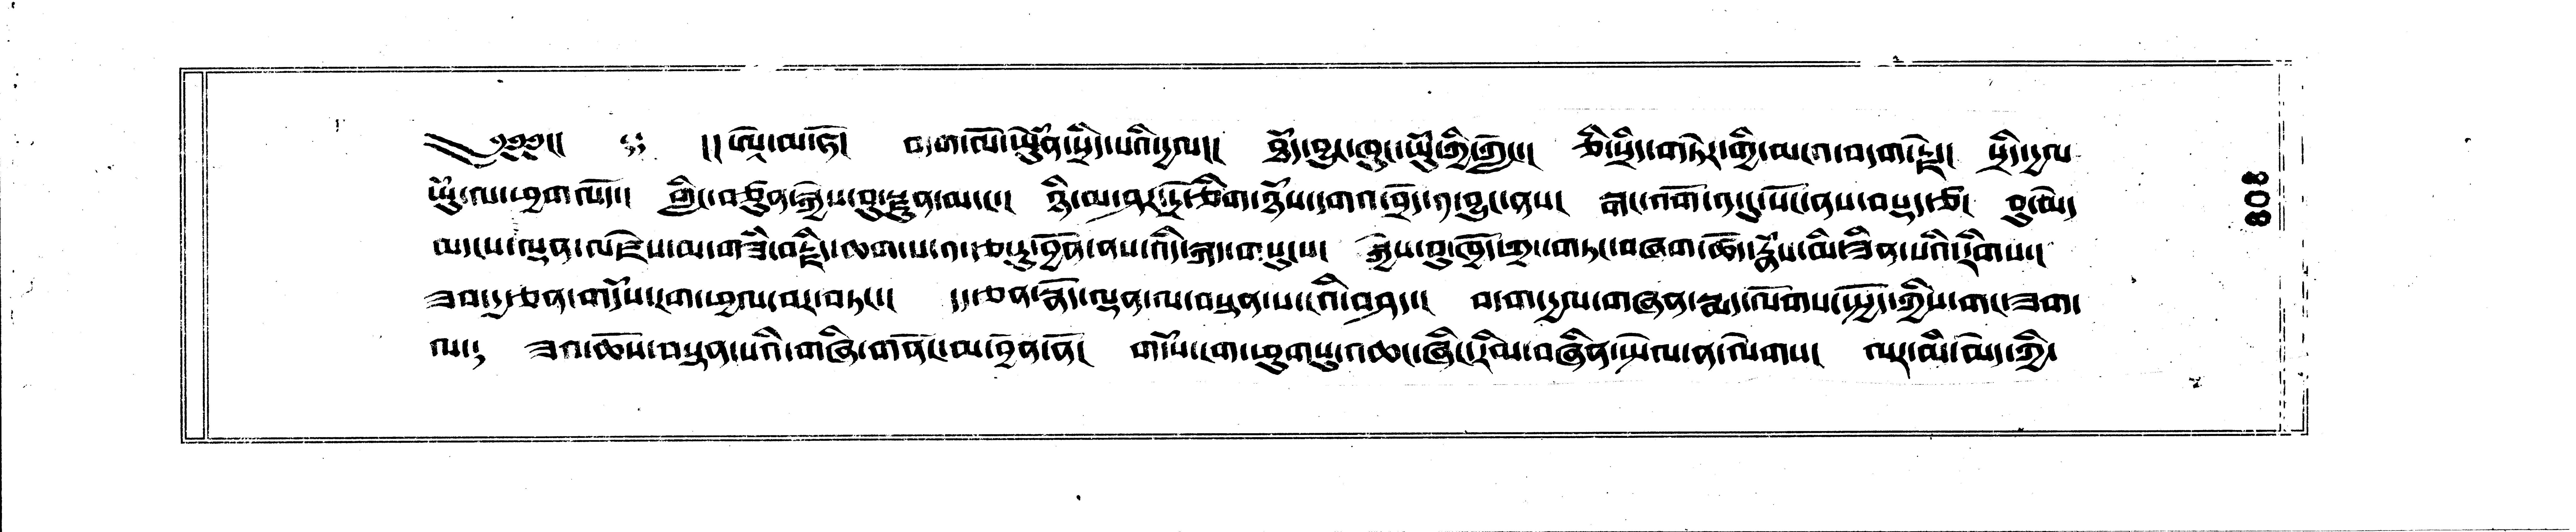ཨེ་མ་ཧོ། བདག་མོ་ཡུམ་ཆེན་སྲིད་པའི་རྒྱལ། །ཐམས་ཅད་བྱུང་ཁུངས་ཡུམ་གྱི་ཀློང་། །ཅི་སྲིད་གཏེར་གྱི་མངའ་བདག་རྗེ། །སྲིད་རྒྱལ་
ཡུམ་ལ་ཕྱག་འཚལ་ལོ། །གླིང་བཙུན་སྐྱེས་བུ་རྫུན་མ་ང་། །ཉི་མ་ཤར་དྲོ་ཅིག་ཉམས་དགའ་བྲོད་ཅིག་བྱུང་ནས། སྒང་འགོ་ཅིག་ཏུ་སོང་ནས་བསྡད་ཙ། བུད་མེད་
མདངས་ལྡན་མཛེས་མ་གཟི་བརྗིད་ཆགས་པ་ཞིག་རྩ་རུ་བྱོན་ནས་འདི་སྐད་གསུངས། སྐྱེས་བུ་ཁྱོད་ཀྱང་གཏང་བཞག་ཚོད་རྣམས་མི་ཟིན་པའི་རིགས། 
ཟབ་རྒྱ་ཅན་གདམས་ངག་ཕྱལ་བར་བཏང་། དད་ཅན་སྣོད་ལྡན་ལ་བསྟན་པ་ངས་བཤད། བདག་རྒྱལ་གཞན་སྨད་ལོག་སྤྱོད་ཀྱི་གང་ཟག་
ལ། ཟབ་ཆོས་བསྟན་པའི་གཞི་གནོང་མ་བྱོན་ནོ། །གདམས་ངག་ཕུགས་སུ་འཆང་ཞིང་རིམ་བཞིན་སྤེལ་ན་ལེགས། ལར་མི་མེད་ཀྱི་